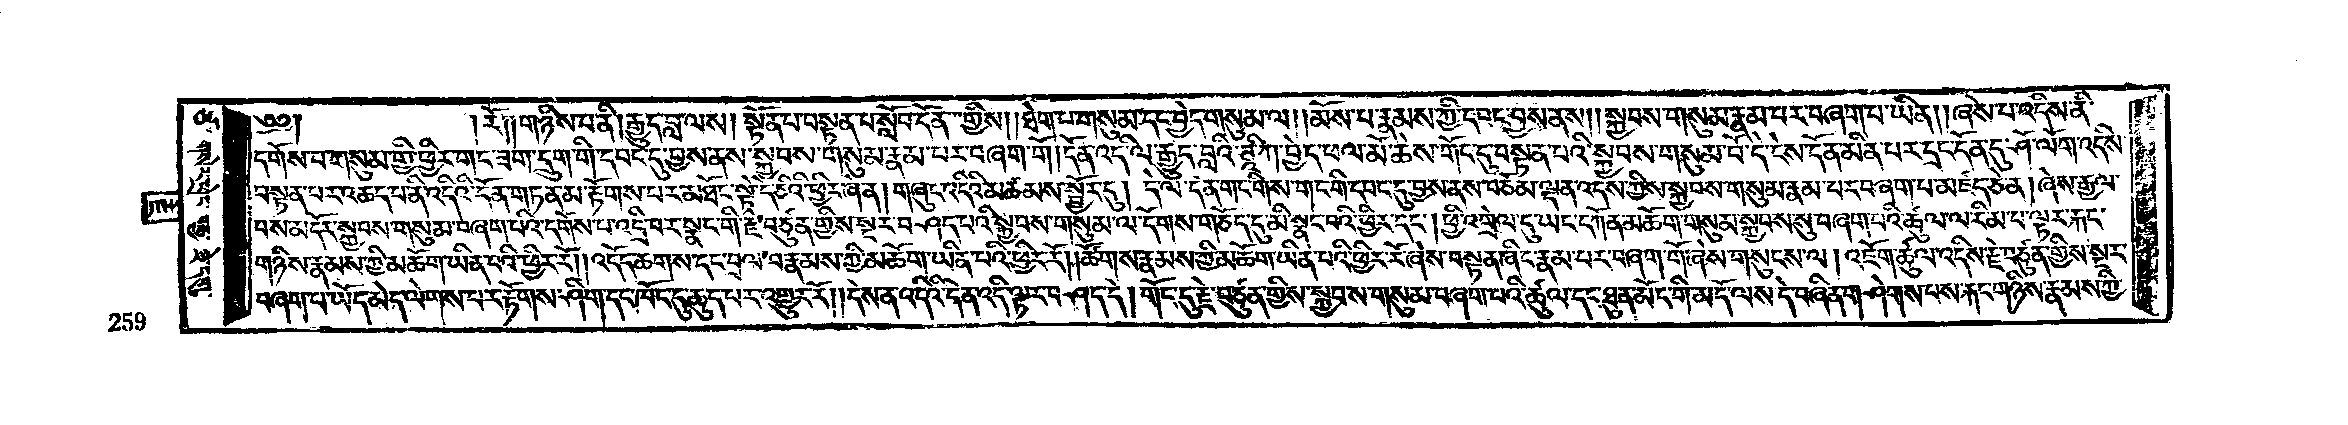༄༅། །རོ། །གཉིས་པ་ནི། རྒྱུད་བླ་ལས། སྟོན་པ་བསྟན་པ་སློབ་དོན་གྱིས། །ཐེག་པ་གསུམ་དང་བྱེད་གསུམ་ལ། །མོས་པ་རྣམས་ཀྱིས་དབང་བྱས་ནས། །སྐྱབས་གསུམ་རྣམ་པར་བཞག་པ་ཡིན། །ཞེས་པ་འདིས་ནི་
དགོས་པ་གསུམ་གྱི་ཕྱིར་གང་ཟག་དྲུག་གི་དབང་དུ་བྱས་ནས་སྐྱབས་གསུམ་རྣམ་པར་བཞག་གོ །དོན་འདི་ལ་རྒྱུད་བླའི་ཊཱི་ཀ་བྱེད་ཕལ་མོ་ཆེས་གོང་དུ་བསྟན་པའི་སྐྱབས་གསུམ་པོ་དེ་ངེས་དོན་མིན་པར་དྲང་དོན་དུ་ཤོ་ལོག་འདིས་
བསྟན་པར་འཆད་པ་ནི་འདིའི་དོན་གཏན་མ་རྟོགས་པར་མཐོང་སྟེ་དེ་ཅིའི་ཕྱིར་ཞེ་ན། གཞུང་འདིའི་མཚམས་སྦྱོར་དུ། དེ་ལ་དོན་གང་གིས་གང་གི་དབང་དུ་བྱས་ནས་བཅོམ་ལྡན་འདས་ཀྱིས་སྐྱབས་གསུམ་རྣམ་པར་བཞག་པ་མཛད་ཅེ་ན། ཞེས་རྒྱལ་
བས་མདོར་སྐྱབས་གསུམ་བཞག་པའི་དགོས་པ་འདྲི་བར་སྣང་གི་རྗེ་བཙུན་གྱིས་སྔར་བཤད་པའི་སྐྱབས་གསུམ་ལ་དོགས་གཅོད་དུ་མི་སྣང་བའི་ཕྱིར་དང་། ཕྱི་འགྲེལ་དུ་ཡང་དཀོན་མཆོག་གསུམ་སྐྱབས་སུ་བཞག་པའི་ཚུལ་ལ་རིམ་པ་ལྟར་རྐང་
གཉིས་རྣམས་ཀྱི་མཆོག་ཡིན་པའི་ཕྱིར་རོ། །འདོད་ཆགས་དང་བྲལ་བ་རྣམས་ཀྱི་མཆོག་ཡིན་པའི་ཕྱིར་རོ། །ཚོགས་རྣམས་ཀྱི་མཆོག་ཡིན་པའི་ཕྱིར་རོ་ཞེས་བསྟན་ཞིང་རྣམ་པར་བཞག་གོ་ཞེས་གསུངས་ལ། འཇོག་ཚུལ་འདིས་རྗེ་བཙུན་གྱིས་སྔར་
བཞག་པ་ཡོད་མེད་ལེགས་པར་རྟོགས་ཤིག་དང་ཁོང་དུ་ཆུད་པར་འགྱུར་རོ། །དེས་ན་འདིའི་དོན་འདི་ལྟར་བཤད་དེ། གོང་དུ་རྗེ་བཙུན་གྱིས་སྐྱབས་གསུམ་བཞག་པའི་ཚུལ་དང་ཐུན་མོང་གི་མདོ་ལས་དེ་བཞིན་གཤེགས་པས་རྐང་གཉིས་རྣམས་ཀྱི་